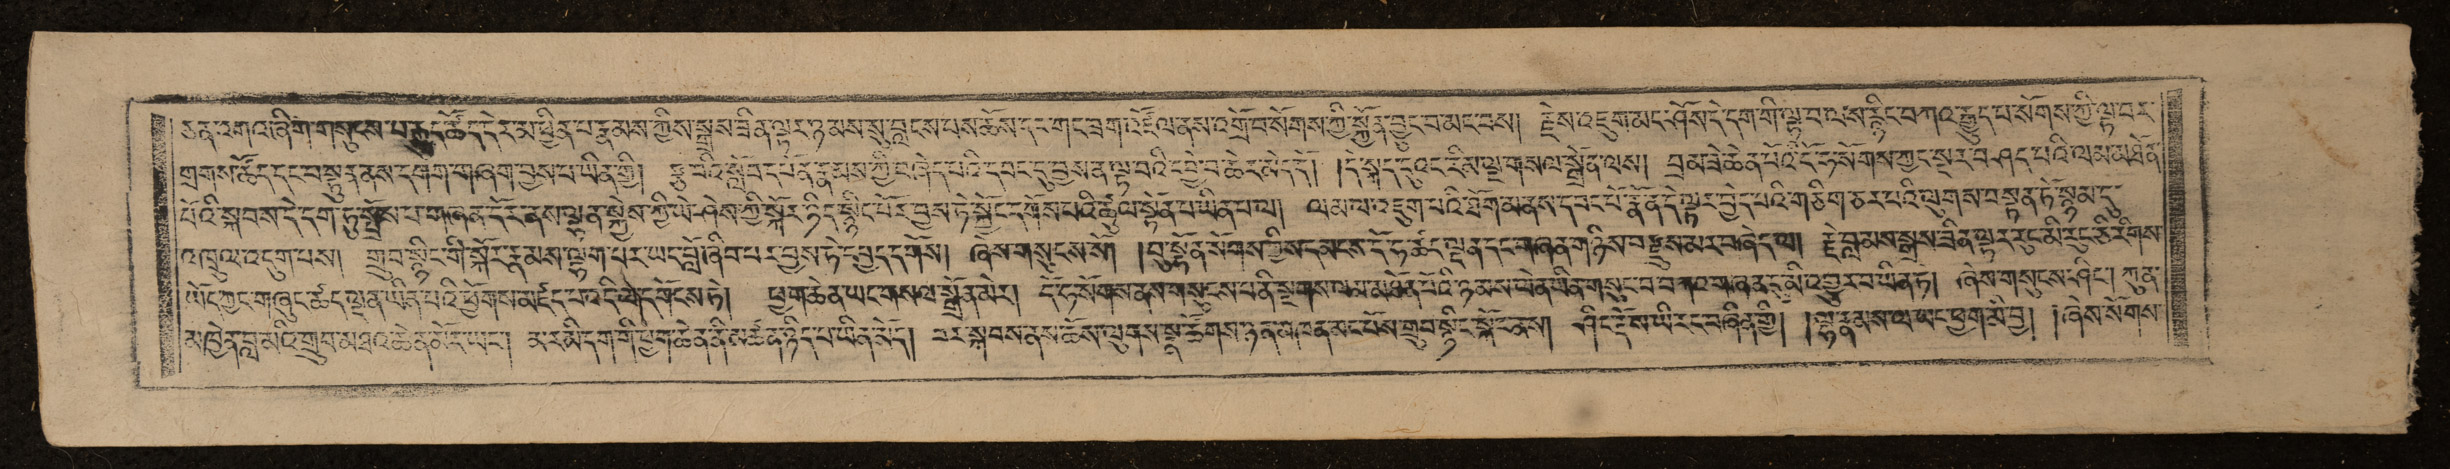ཅན་འགའ་ཞིག་གསུངས་བརྒྱུད་ཚོད་དེར་མ་ཕྱིན་པ་རྣམས་ཀྱིས་སྒྲས་ཟིན་ལྟར་ཉམས་སུ་བླངས་པས་ཆོས་དང་གང་ཟག་འཛོལ་ནས་འགྲོ་བ་སོགས་ཀྱི་སྐྱོན་བྱུང་བ་མང་བས། རྗེས་འཇུག་མང་ཤོས་དེ་དག་གི་ལྟ་བ་ལས་རྙིང་བཀའ་རྒྱུད་པ་སོགས་ཀྱི་ལྟ་བར་
གྲགས་ཚོད་དང་བསྟུན་ནས་དགག་གཞག་བྱས་པ་ཡིན་གྱི། རྩ་བའི་སློབ་དཔོན་རྣམས་ཀྱི་བཞེད་པའི་དབང་དུ་བྱས་ན་ལྟ་བའི་དབྱེ་བ་ཆེར་མེད་དོ། །དེ་སྐད་དུའང་རིམ་ལྔ་གསལ་སྒྲོན་ལས། བྲམ་ཟེ་ཆེན་པོའི་དོ་ཧ་སོགས་ཀྱང་སྔར་བཤད་པའི་ལམ་མཐོན་
བོའི་སྐབས་དེ་དག་ཏུ་སྤྲོས་པ་གཞན་དོར་ནས་ལྷན་སྐྱེས་ཀྱི་ཡེ་ཤེས་ཀྱི་སྐོར་ཉིད་སྙིང་བར་བྱས་ཏེ་སྐྱོང་དགོས་པའི་ཚུལ་སྟོན་པ་ཡིན་པ་ལ། ལམ་ལ་འཇུག་པའི་ཐོག་མ་ནས་དབང་པོ་རྣོན་དེ་ལྟར་བྱེད་པའི་ཅིག་ཅར་བའི་ལུགས་བསྟན་ཏེ་སྙམ་དུ་
འཁྲུལ་འདུག་པས། གྲུབ་སྙིང་གི་སྐོར་རྣམས་ལྷག་བར་ཡང་བློ་ཞིབ་པར་བྱས་ཏེ་དཔྱད་དགོས། ཞེས་གསུངས་སོ། །བུ་སྟོན་སོགས་ཀྱིས་དམངས་དོ་ཧ་ཚང་ལྡན་དང་གཞན་གཉིས་བརྫུས་མར་བཞེད་ལ། རྗེ་བླ་མས་སྨྲས་ཟིན་ལྟར་རུང་མི་རུང་ཅི་རིགས་
ཡོང་ཀྱང་གཞུང་ཚད་ལྡན་ཡིན་པའི་ཕྱོགས་མཛད་པ་འདི་ལ་དགོངས་ཏེ། ཕྱག་ཆེན་ཡང་གསལ་སྒྲོན་མར། དོ་ཧ་སོགས་ནས་གསུངས་པ་ནི་སྔགས་ལམ་མཐོན་པོའི་ཉམས་ལེན་ཡིན་གསུང་བ་བཀའ་གཞན་དུ་མི་འགྱུར་བ་ཡིན་ཏེ། ཞེས་གསུངས་ཤིང་ཀུན་
མཁྱེན་བླ་མའི་གྲུབ་མཐའ་ཆེན་མོར་ཡང་། མར་མི་དག་གི་ཕྱག་ཆེན་ནི་མཚན་ཉིད་པ་ཡིན་མོད། བར་སྐབས་ནས་ཆོས་ཕུག་སྣ་ཚོགས་ཉན་མཁན་མང་པོས་གྲུབ་སྙིང་སྐོར་ནས། ཤིང་རྡོས་ལི་རང་བཞིན་གྱི། །ལྷ་རྣམས་ལ་ཡང་ཕྱག་མི་བྱ། ཞེས་སོགས་